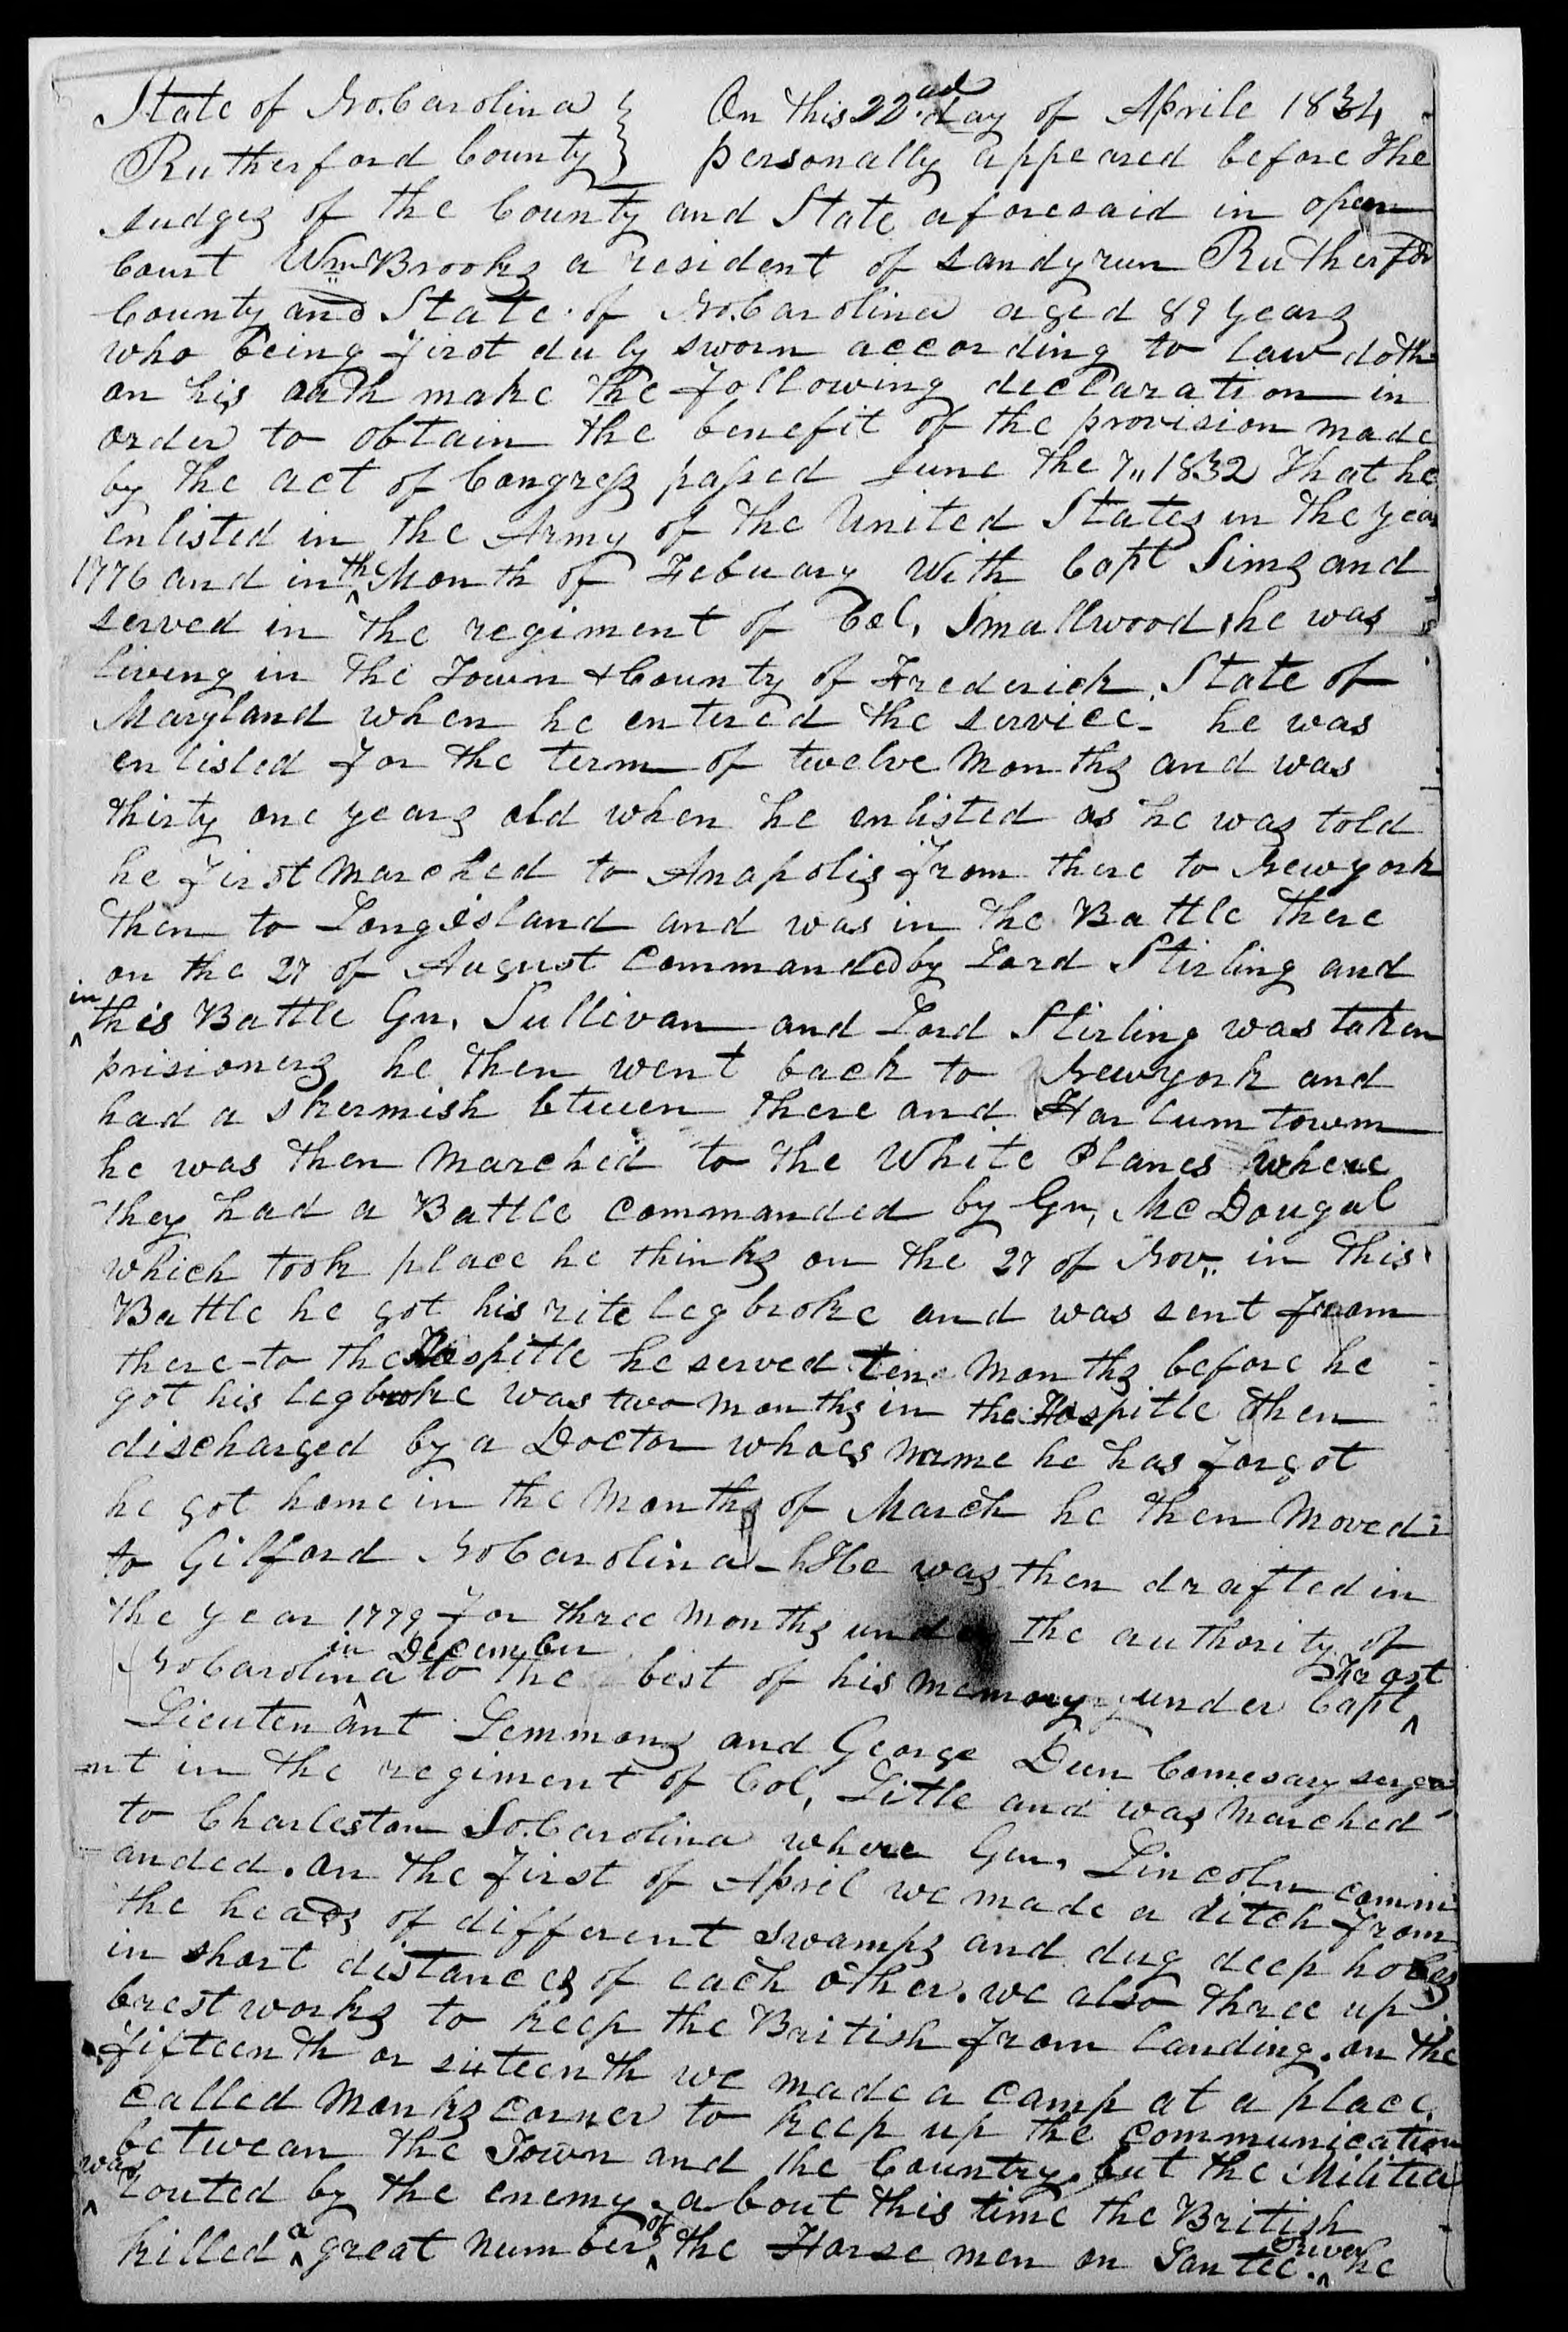State of No. Carolina
Rutherford County
On this 22nd day of April 1834 personally appeared before the Judges of the County and State aforesaid in open Court Wm Brooks a resident of Sandy run Rutherford County and State of No. Carolina aged 89 years who being first duly sworn according to law doth on his oath make the following declaration in order to obtain the benefit of the provision made 
by the act of Congress passed June the 7, 1832 That he enlisted in the Army of the United States in the year 1776 and in the month of February with Capt Sims and served in the regiment of Col. Smallwood he was living in the Town & County of Frederick State of
Maryland when he entered the service. he was
enlisted for the term of twelve months and was thirty one years old when he enlisted as he was told he first marched to Annapolis from there to New York then to Long Island and was in the Battle there on the 27 of August commanded by Lord Sterling and this Battle Gen. Sullivan and Lord Sterling was taken
prisoners, he then went back to New York and
had a skirmish between there and Harlum town he was then marched to the White Plains where they had a Battle commanded by G. McDougal which took place he thinks on the 27 of Nov in this Battle he got his rite leg broke and was sent from there to the Hospitle he served ten months before he got his leg broke was two months in the Hospitte then
discharged by a Doctor whoes name he has forgot he got home in the month of March he then moved to Gilford So Carolina he was then drafted in the year 1779 for three months until the authority of So Carolina in December to best of his memory under Capt Shast 
Lieutenant Lemmon and George Dun Commissary Sergeant in the regiment of Col. Litle and was marched to Charleston So Carolina where Gen Lincoln Commanded on the first of April we made ditch from the heads of different swamps and dug deep holes
in short distances of each other, we also thru  up brest works to keep the British from landing on the fifteenth or sixteenth we made a camp at a place called Mans corner to keep up the communication between the Town and the Country but the Militia was  routed by the enemy about this time the British killed a great number the Horse men on the San Tee river he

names: Mc Dougal, Lincoln, Sims, Sullivan, George Dun, Wm Brooks, Lemmons, Small Wood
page: 3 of 17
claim: survivor's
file: S. 6717, William Brooks, Md. N.C.